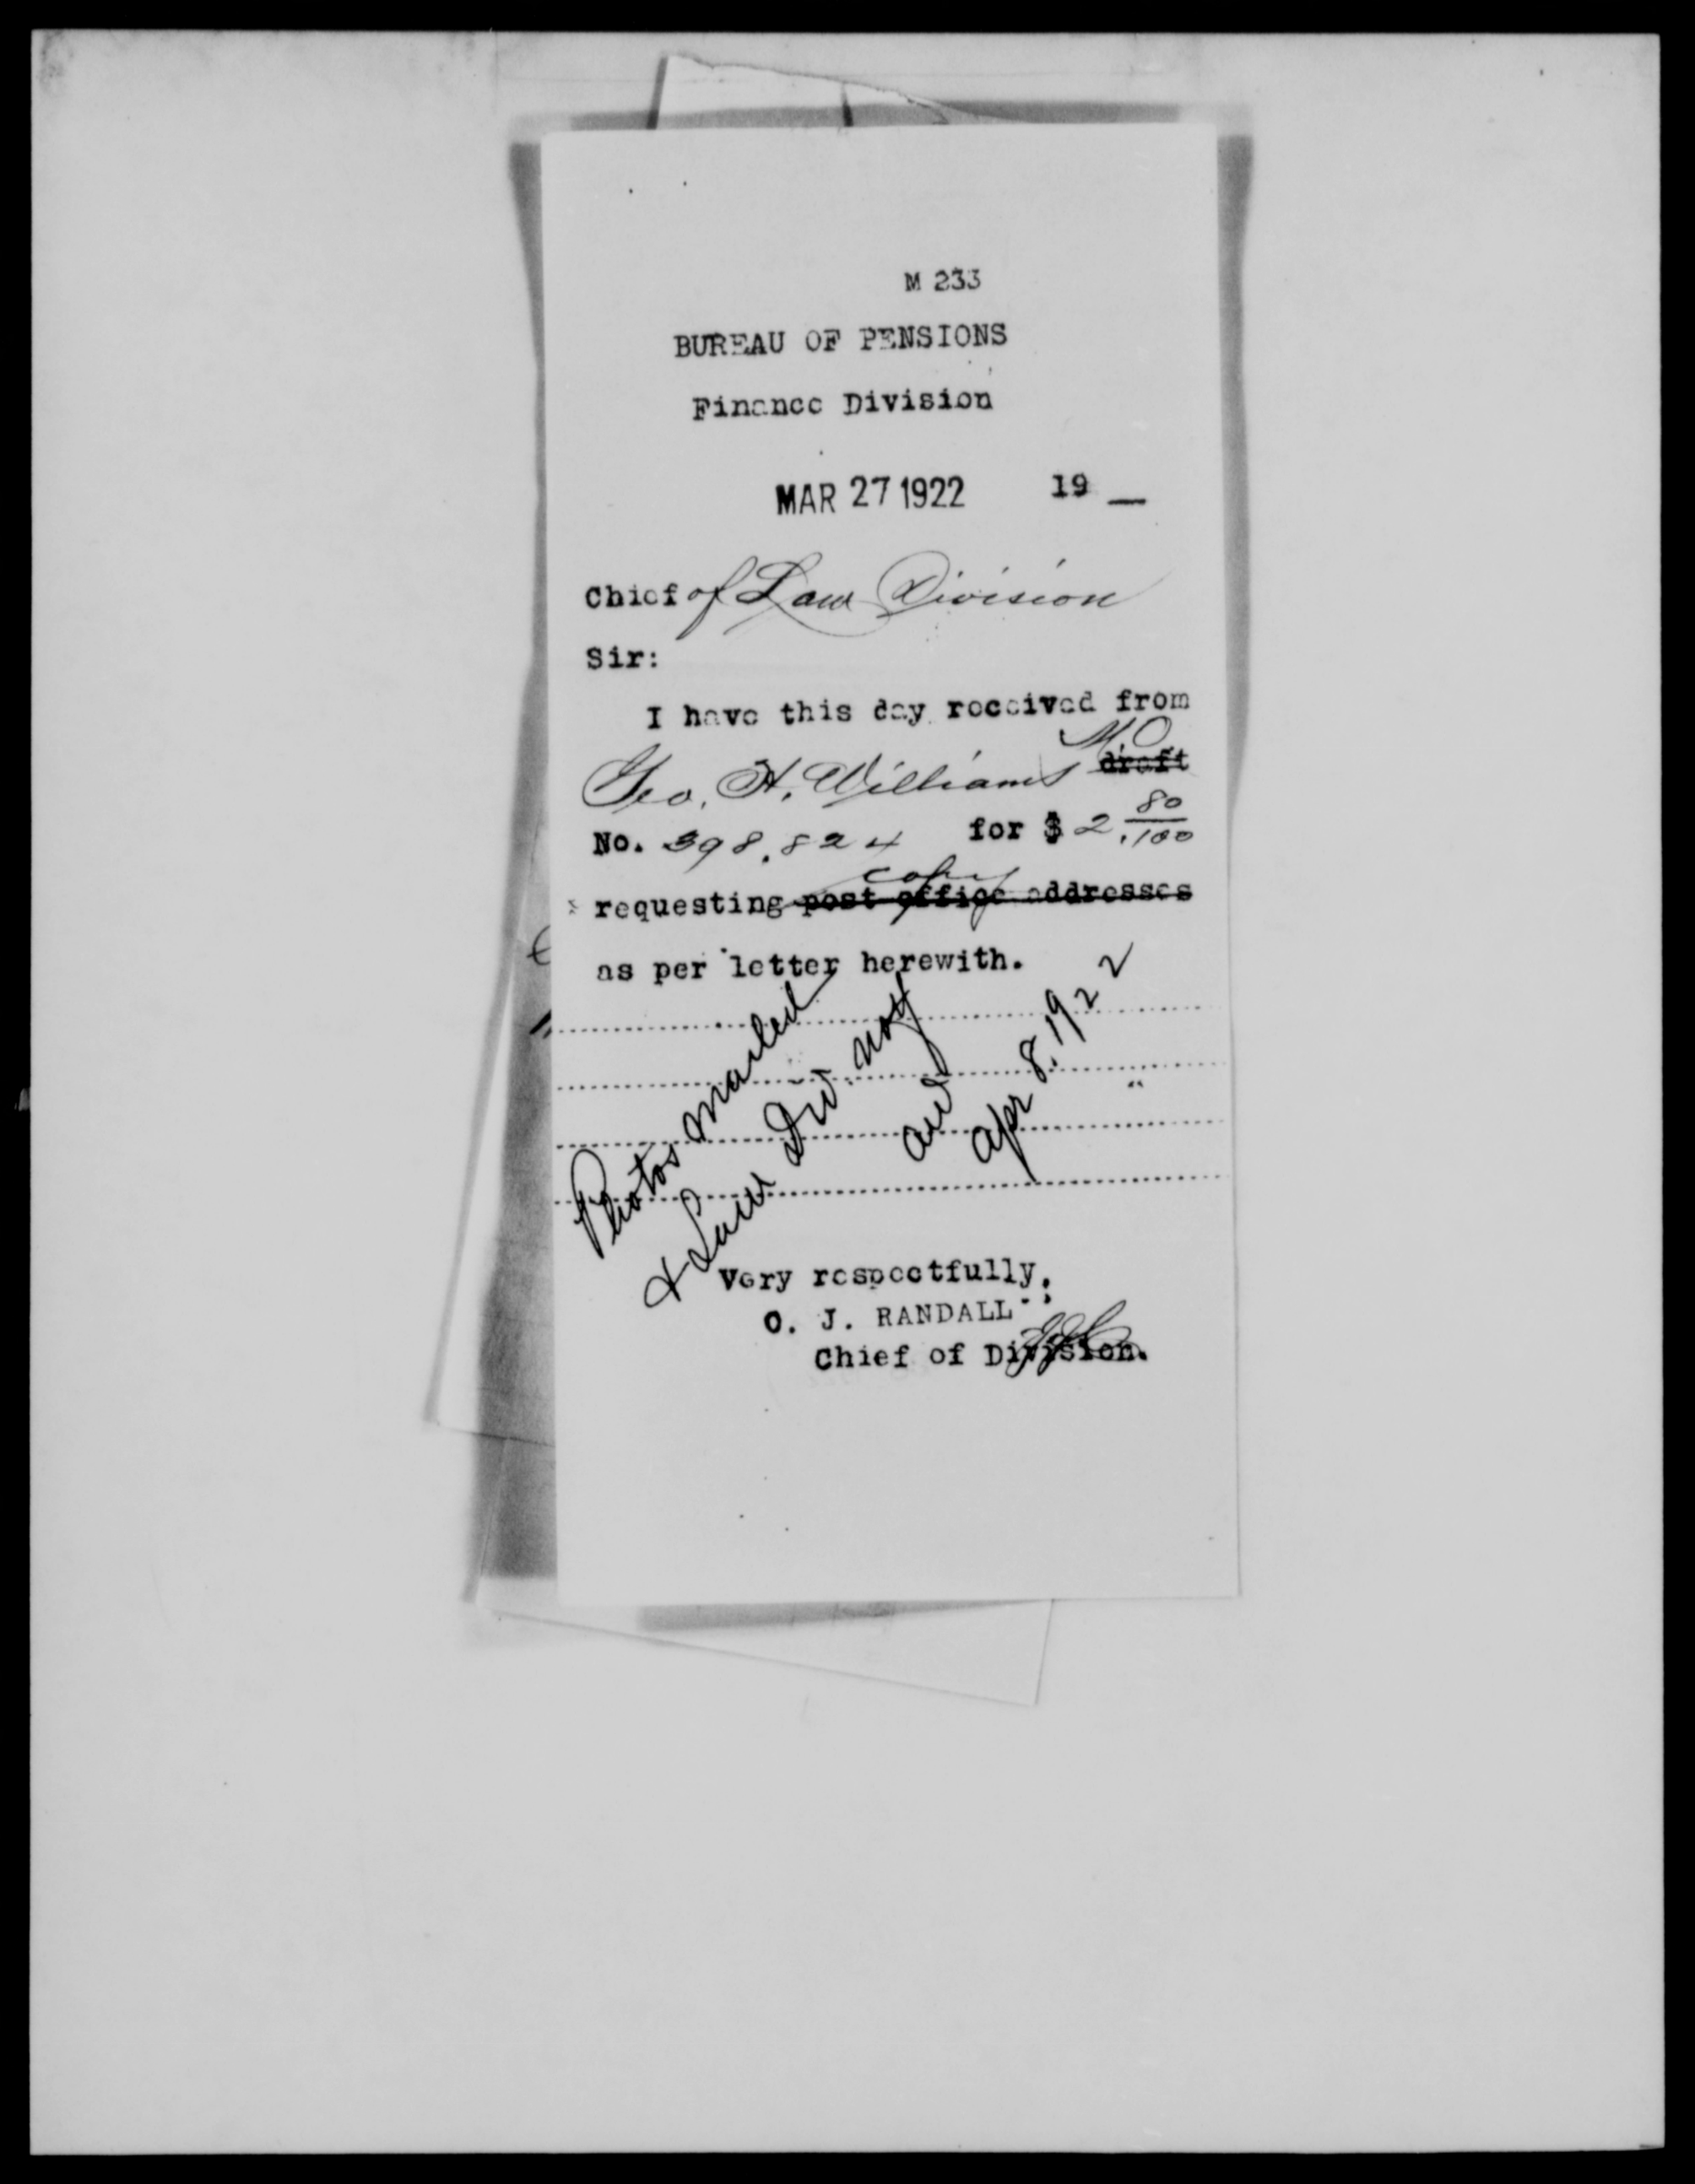M233
BUREAU OF PENSIONS
Finance Division
Mar 27 1922  19__
Chief of Law Division
Sir:
I have this day received from Geo. H. Williams M. O.
No. 398,324 for $2 80/100 requesting copy as per letter herewith.
Photos mailed & Law Div. noty an Apr 8, 1922

Very respectfully, O. J. Randall Chief of Division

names: O J Randall, Geo H Williams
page: 57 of 63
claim: widow's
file: W. 22,632, David Williams, Conn. Continental Privateer